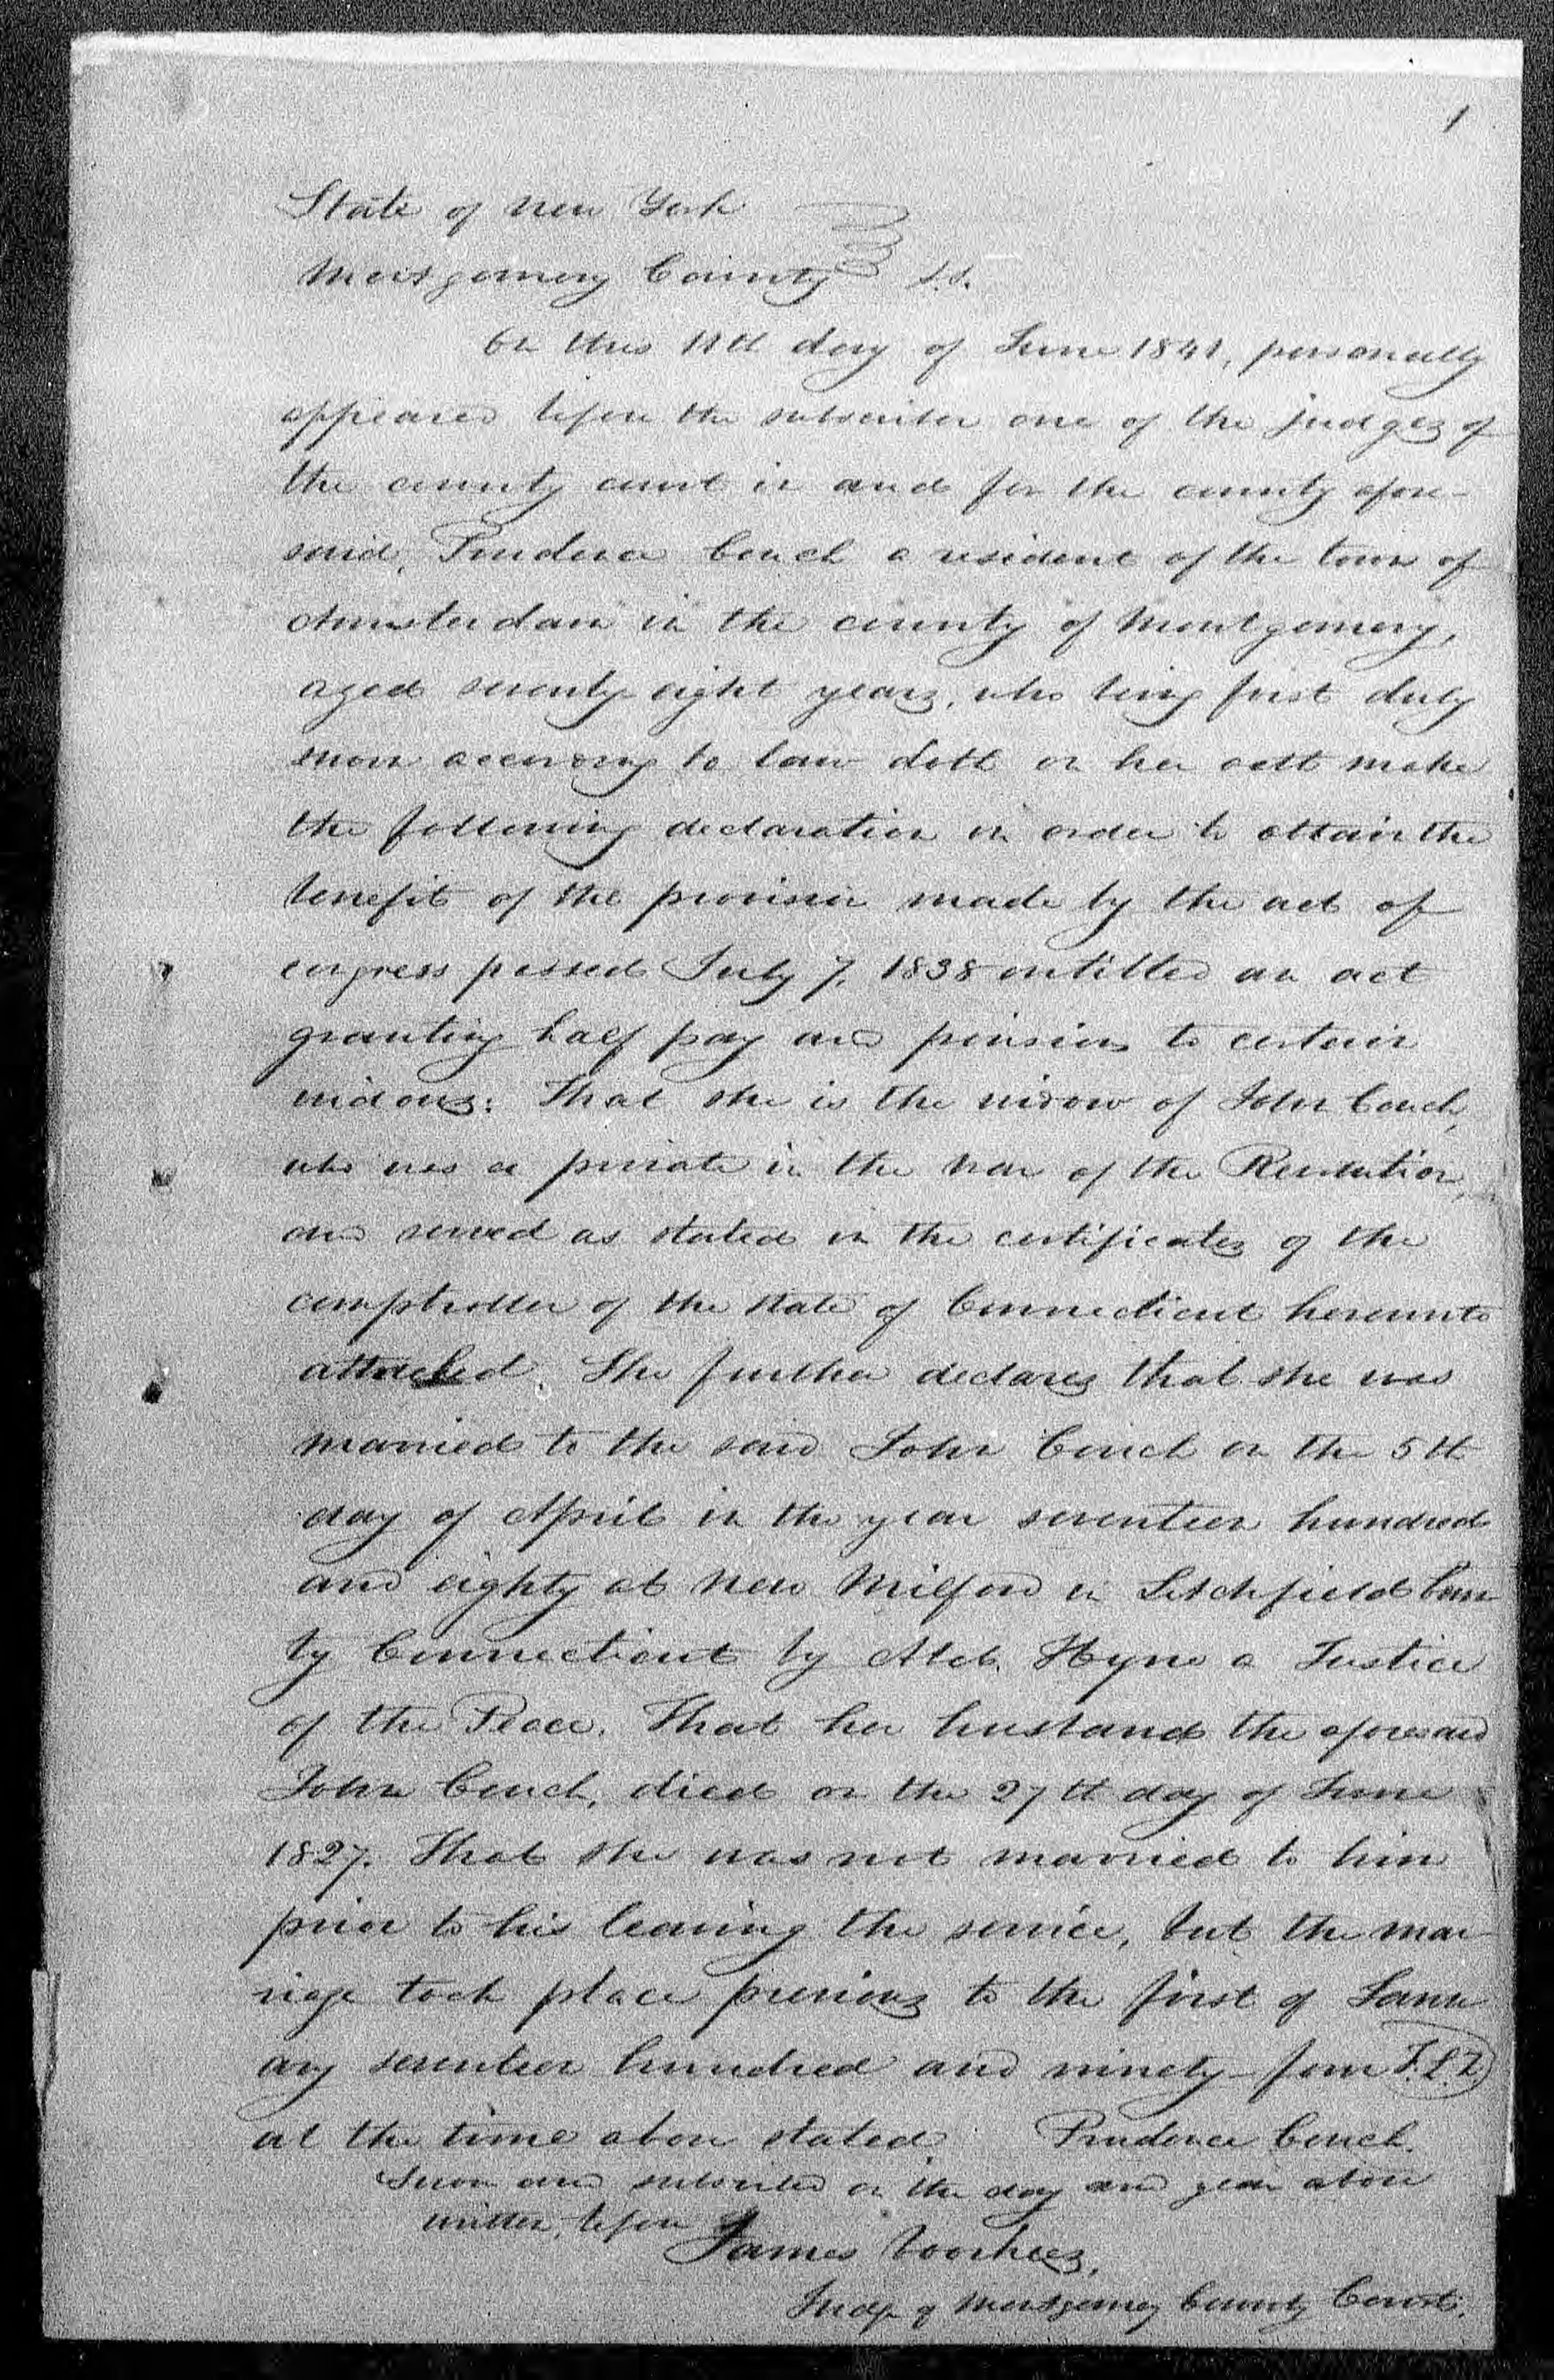State of New York
Montgomery County} ss.
On this 11th day of June 1841, personally appeared before the subscriber one of the Judges of the county court in and for the county aforesaid, Prudence Couch a resident of the town of Amsterdam in the county of Montgomery, aged seventy eight years, who being first duly sworn according to law doth on her oath make the following declaration in order to obtain the benefit of the provision made by the act of congress passed July 7, 1838 entitled an act granting half pay and pensions to certain widows; That she is the widow of John Couch, who was a private in the war of the Revolution, and served as stated in the certificates of the comptroller of the state of Connecticut hereunto attached. She further declares that she was married to the said John Couch on the 5th day of April in the year seventeen hundred and eighty at New Milford in Litchfield County Connecticut by Abel Hyne a Justice of the Peace. That her husband the aforesaid John Couch, died on the 27th day of June 1827. That she was not married to him prior to his leaving the service, but the marriage took place previous to the first of January seventeen hundred and ninety four at the time above states.
Prudence Couch
Sworn and subscribed on the day and year above written before
James Voorhes
Judge of Montgomery County Courts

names: Prudence Couch, John Couch, Prudence Couch, John Couch, James Voorhees, John Couch, Abel Hyne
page: 2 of 68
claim: rejected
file: R. 2,360, John Couch, Conn.